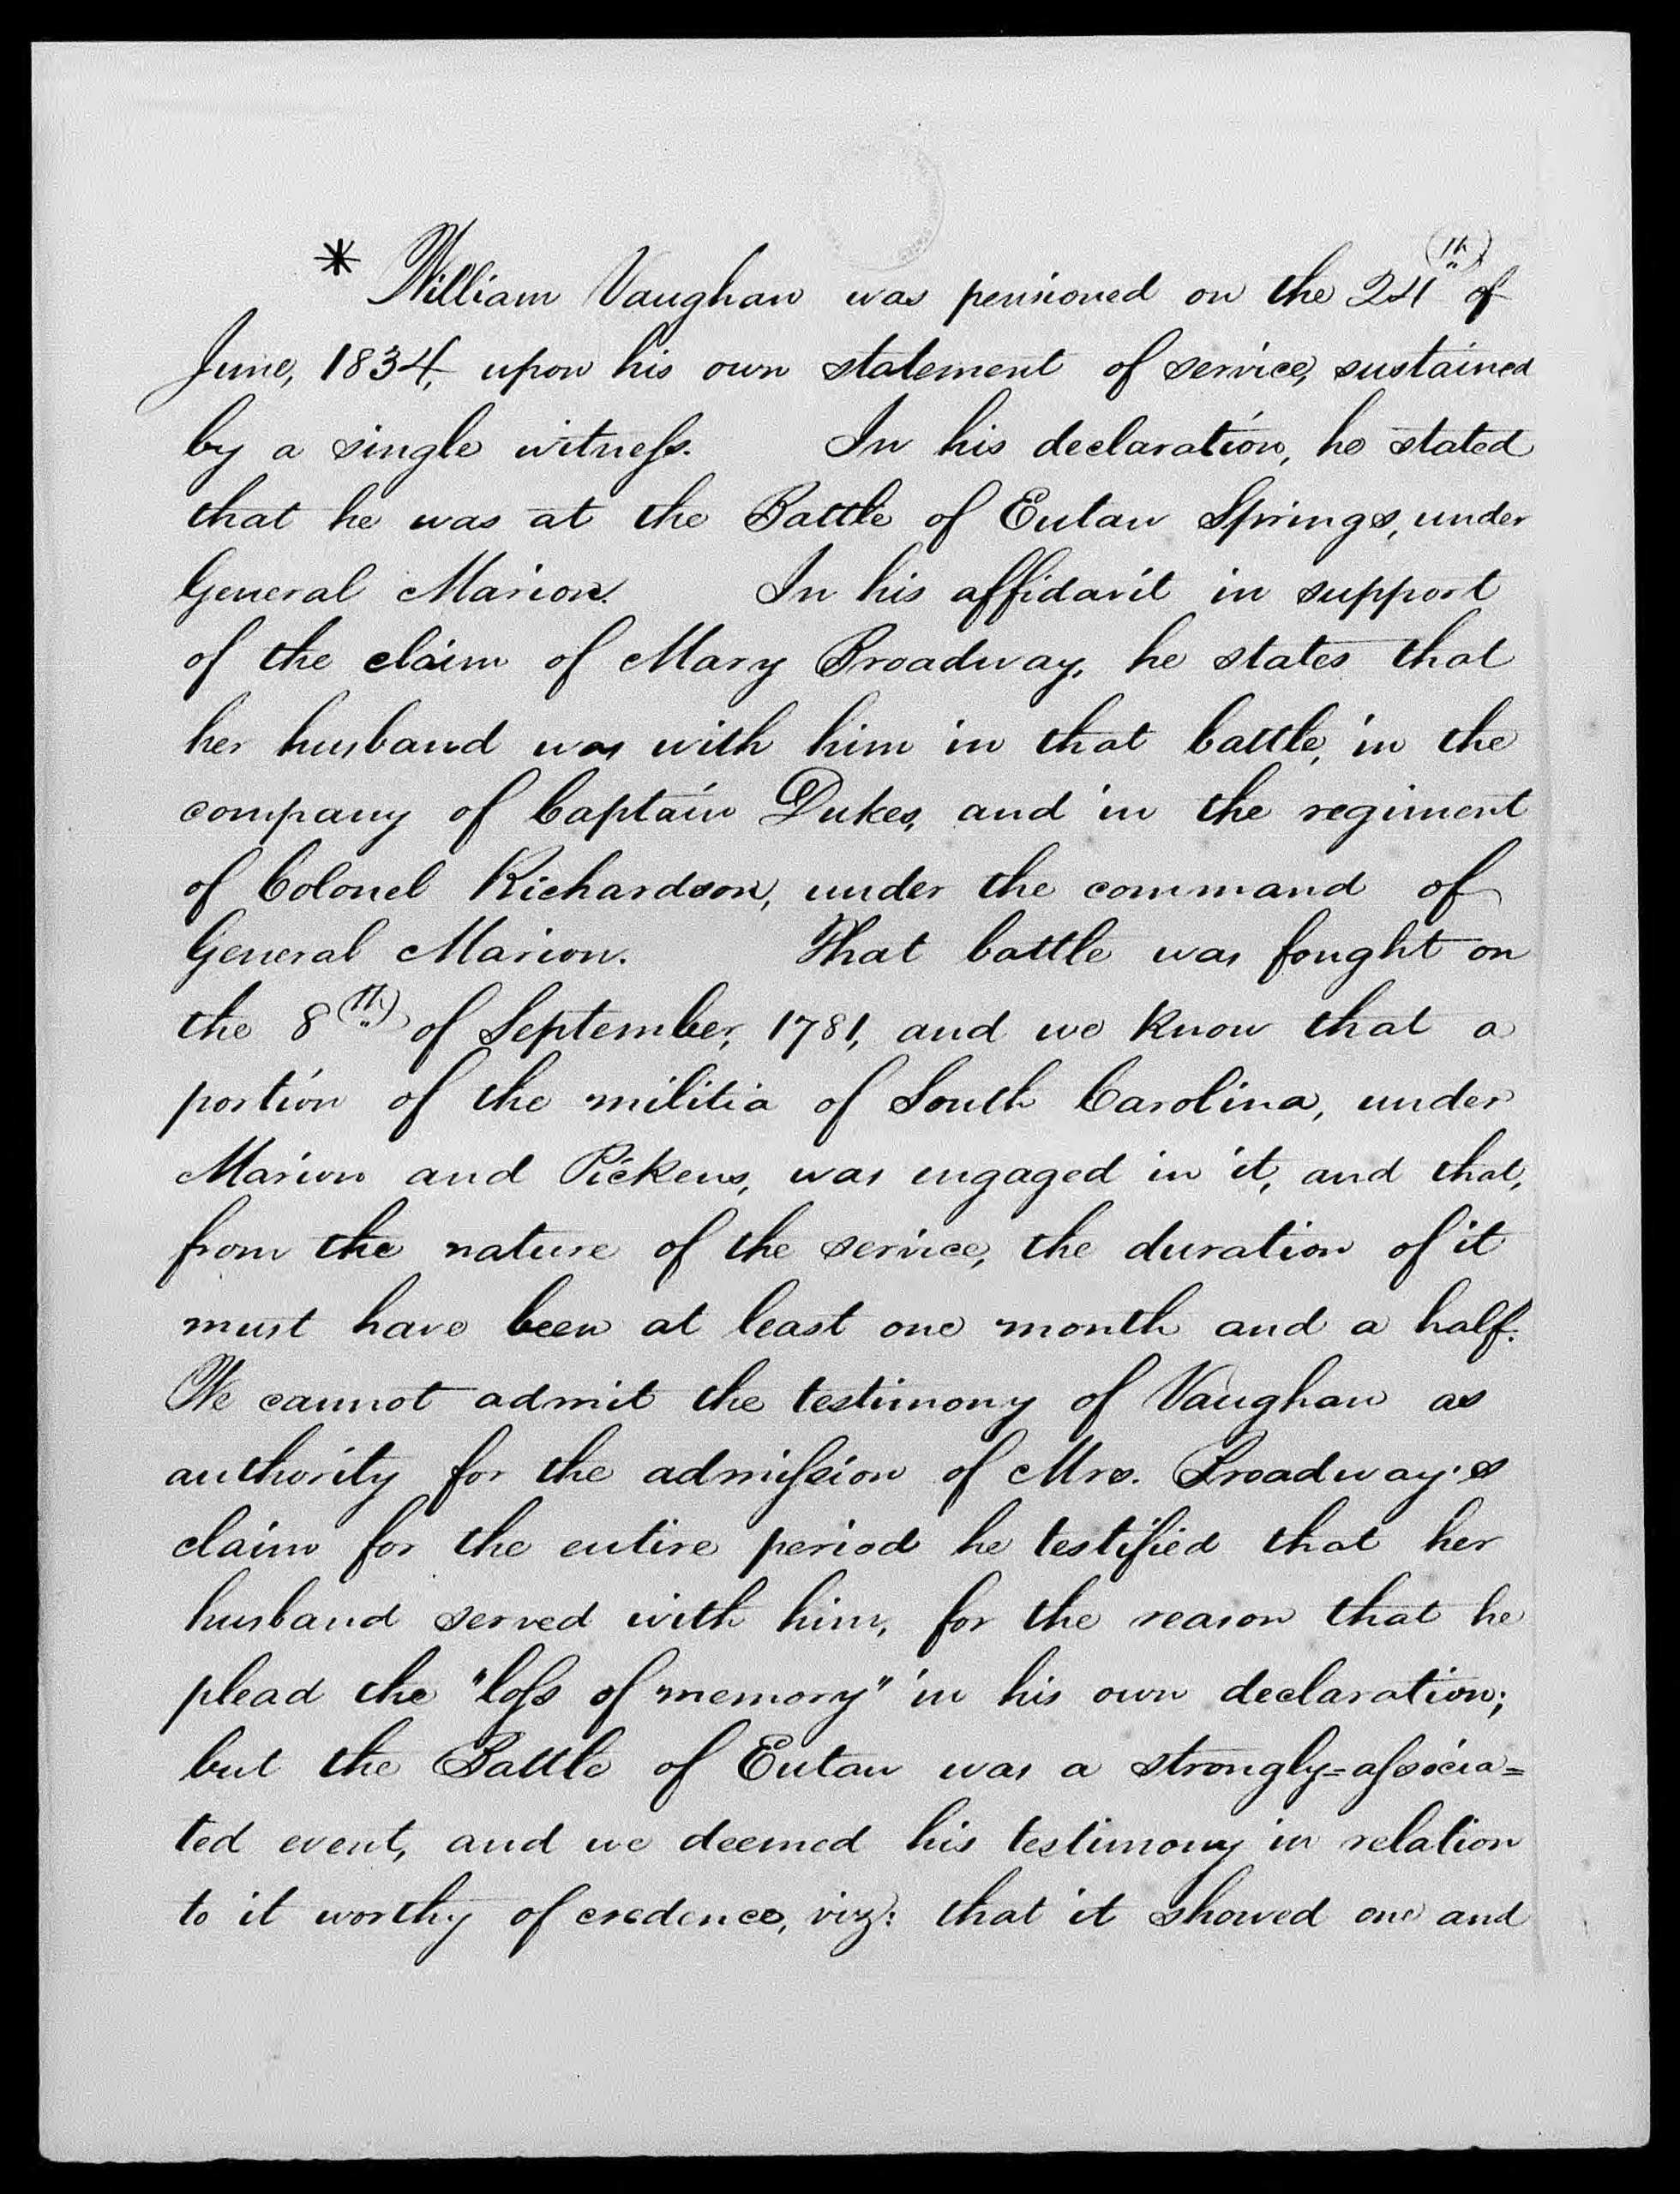[Round stamp mark]
NATIONAL ARCHIVES OF THE UNTIED STATES

* William Vaughan was pensioned on the 24th of June, 1834, upon his own statement of service, sustained by a single witness. In his declaration, he stated that he was at the Battle of Eutaw Springs under General Marion. In his affidavit in support of the claim of Mary Broadway, he states that her husband was with him in that battle, in the company of Captain Dukes, and in the regiment of Colonel Richardson, under the command of General Marion. That battle was fought on the 8th of September, 1781, and we know that a portion of the militia of South Carolina, under Marion and Pickens, was engaged in it, and that, from the nature of the service, the duration of it must have been at least one month and a half. We cannot admit the testimony of Vaughan as authority for the admission of Mrs. Broadway's claim for the entire period he testified that her husband served with him, for the reason that he plead the '"loss of memory" in his own declaration; but the Battle of Eutaw was a strongly associated event and we deemed his testimony in relation to it worthy of evidence, viz: that it showed one and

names: Marion, Richardson, Marion, Dukes, William Vaughan, Mary Broadway, Vaughan, Marion, Broadway, Pickens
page: 89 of 98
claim: widow's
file: W. 8398, William Broadway, S.C.